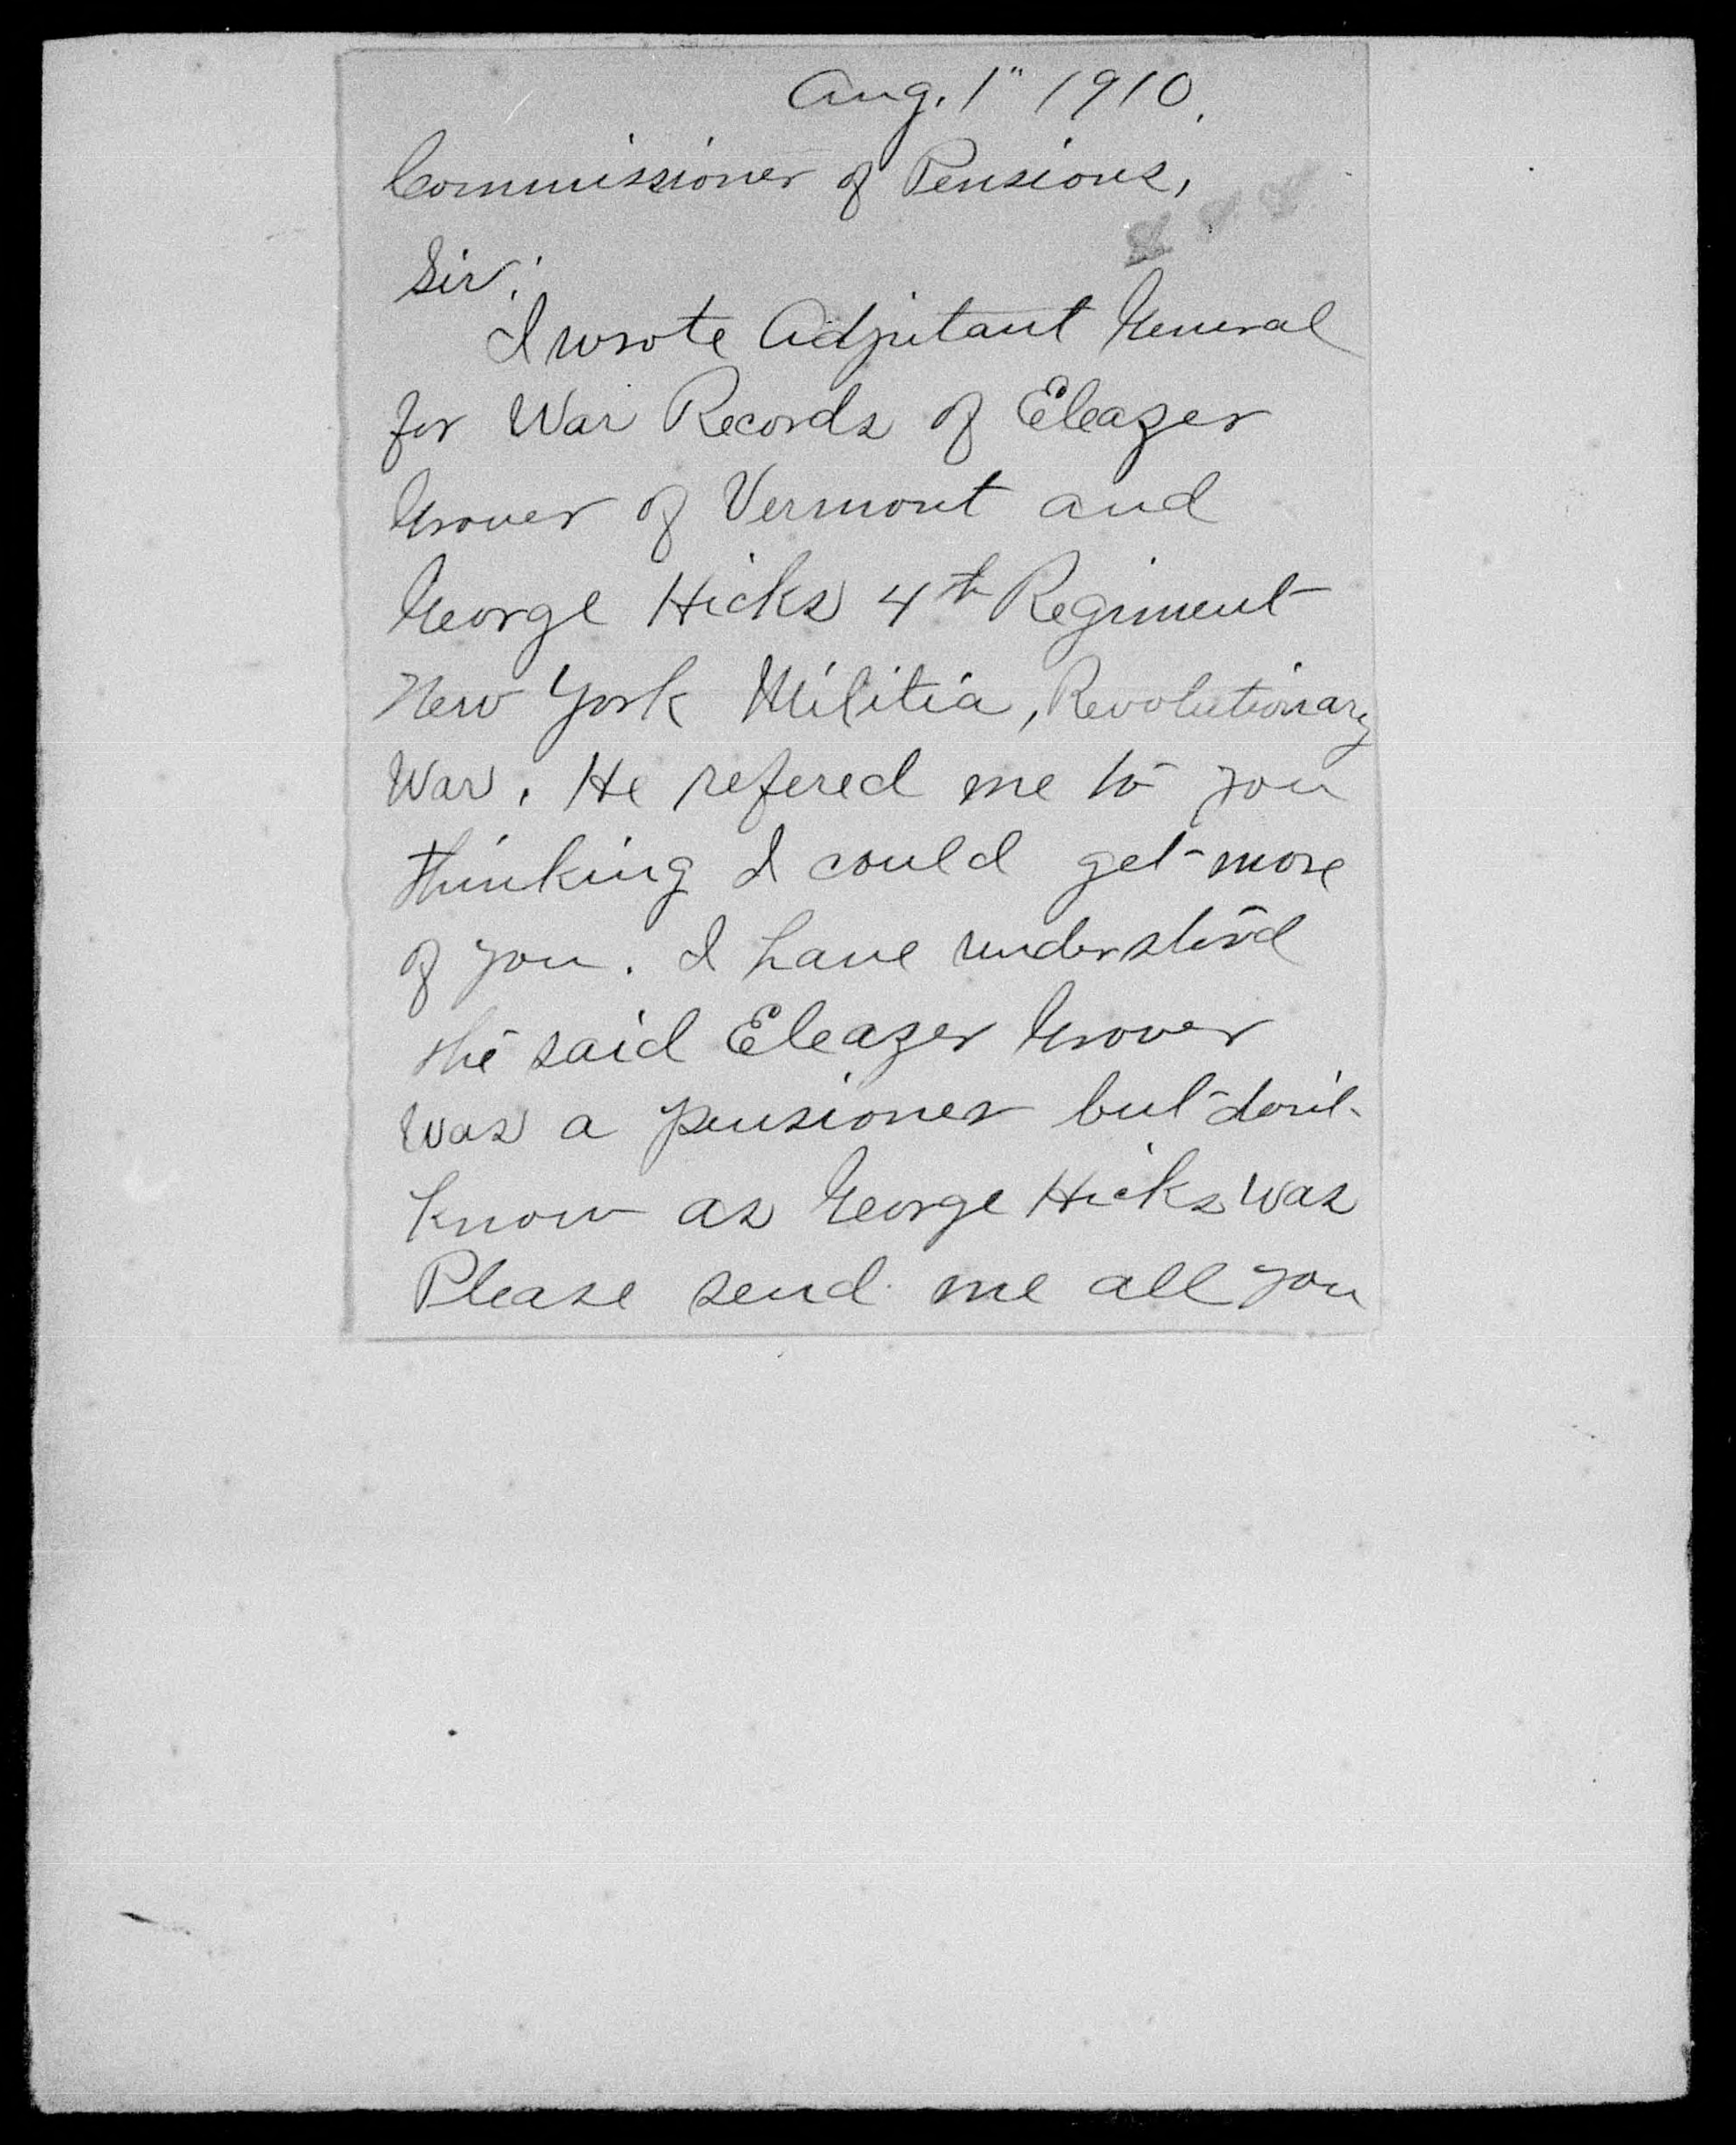[handwritten letter]
Aug 1" 1910,
Commissioner of Pensions, 

Sir:
I wrote Adjutant General of War Records of Eleazer Grover of Vermont and George Hicks 4th Regiment New York Militia, Revolutionary War. He refered me to you thinking I could get more of you. I have understood the said Eleazer Grover was a pensioner but don't know as George Hicks was 
Please send me all you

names: Eleazer Grover, George Hicks, George Hicks, Eleazer Grover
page: 37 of 43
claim: survivor's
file: S. 28748, Eleazer Grover, Continental Mass. Vt.